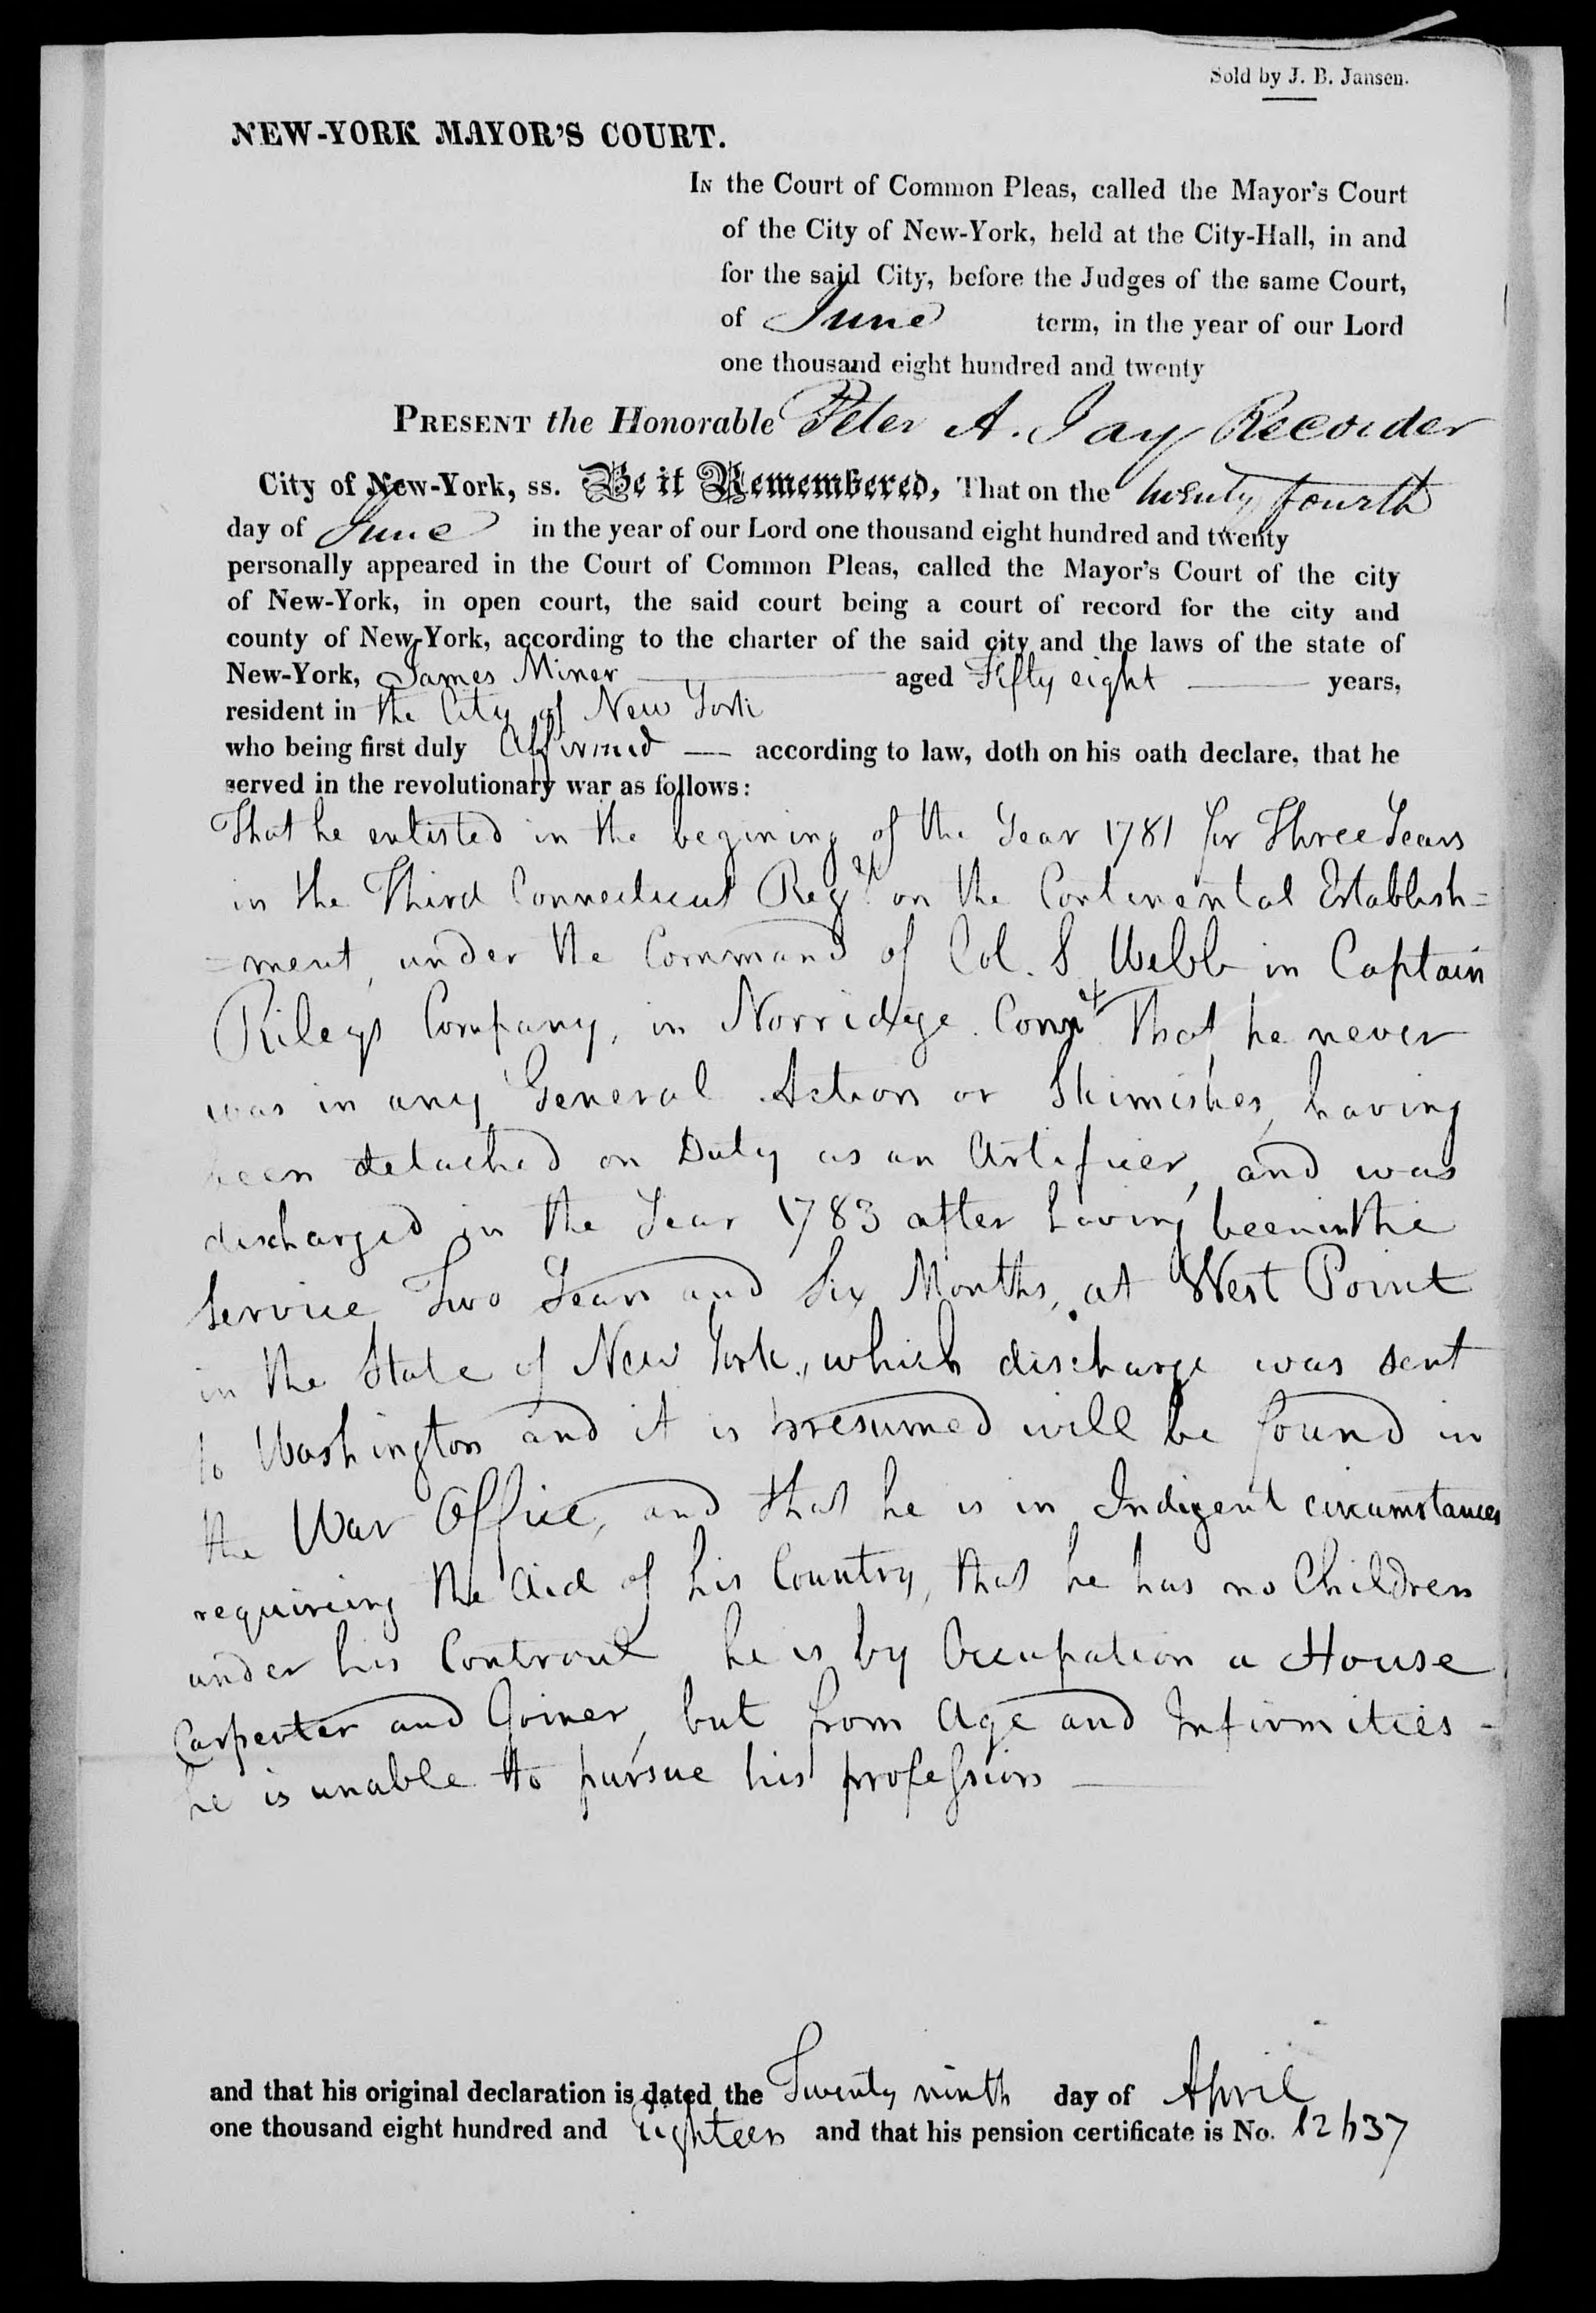NEW-YORK MAYOR'S COURT.
Sold by J.B. Jansen.
In the Court of Common Pleas, called the Mayor's Court
of the City of New-York, held at the City-Hall, in and
for the said City, before the Judges of the same Court,
of June
term, in the year of our Lord
one thousand eight hundred and twenty
PRESENT the Honorable Peter A. Jay Recorder
City of New-York, ss. Be it Remembered, That on the twenty fourth
day of June in the year of our Lord one thousand eight hundred and twenty
personally appeared in the Court of Common Pleas, called the Mayor's Court of the city of
New-York, in open court, the said court being a court of record for the city and
county of New York, according to the charter of the said city and the laws of the state of
New York, James Miner
resident in the City of New York
aged fifty eight years,
who being first duly affirmed
according to law, doth on his oath declare, that he
served in the revolutionary war as follows:
That he enlisted in the beginning of the year 1781 for three years
in the Third Connecticut Regt in the Continental Establishment, under the command of Col. S. Webb in Captain
Rileys Company, in Norridge Conn, that he never
was in any General Action or Skirmishes, having been
detached on duty as an Artificer and was
discharged in the year 1783 after having been in the
Service Two years and six months, at West Point in
the State of New York, which discharge was sent to Washington
and it is presumed will be found in
the
War Office,
and that he is in Indigent circumstances
requiring the aid of
his Country, that he has no children under his control 
he is by occupation a House
Peter and Joiner, but from age and Infirmities
is unable to pursue his profession
and that his original declaration is dated the Twenty ninth day of April
one thousand eight hundred and Eighteen and that his pension certificate is No. 12637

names: S Webb; [BLANK] Skimisher; James Miner; [BLANK] Astron; Peter A Jay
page: 5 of 39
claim: survivor's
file: S. 23802, for James Miner, Connecticut